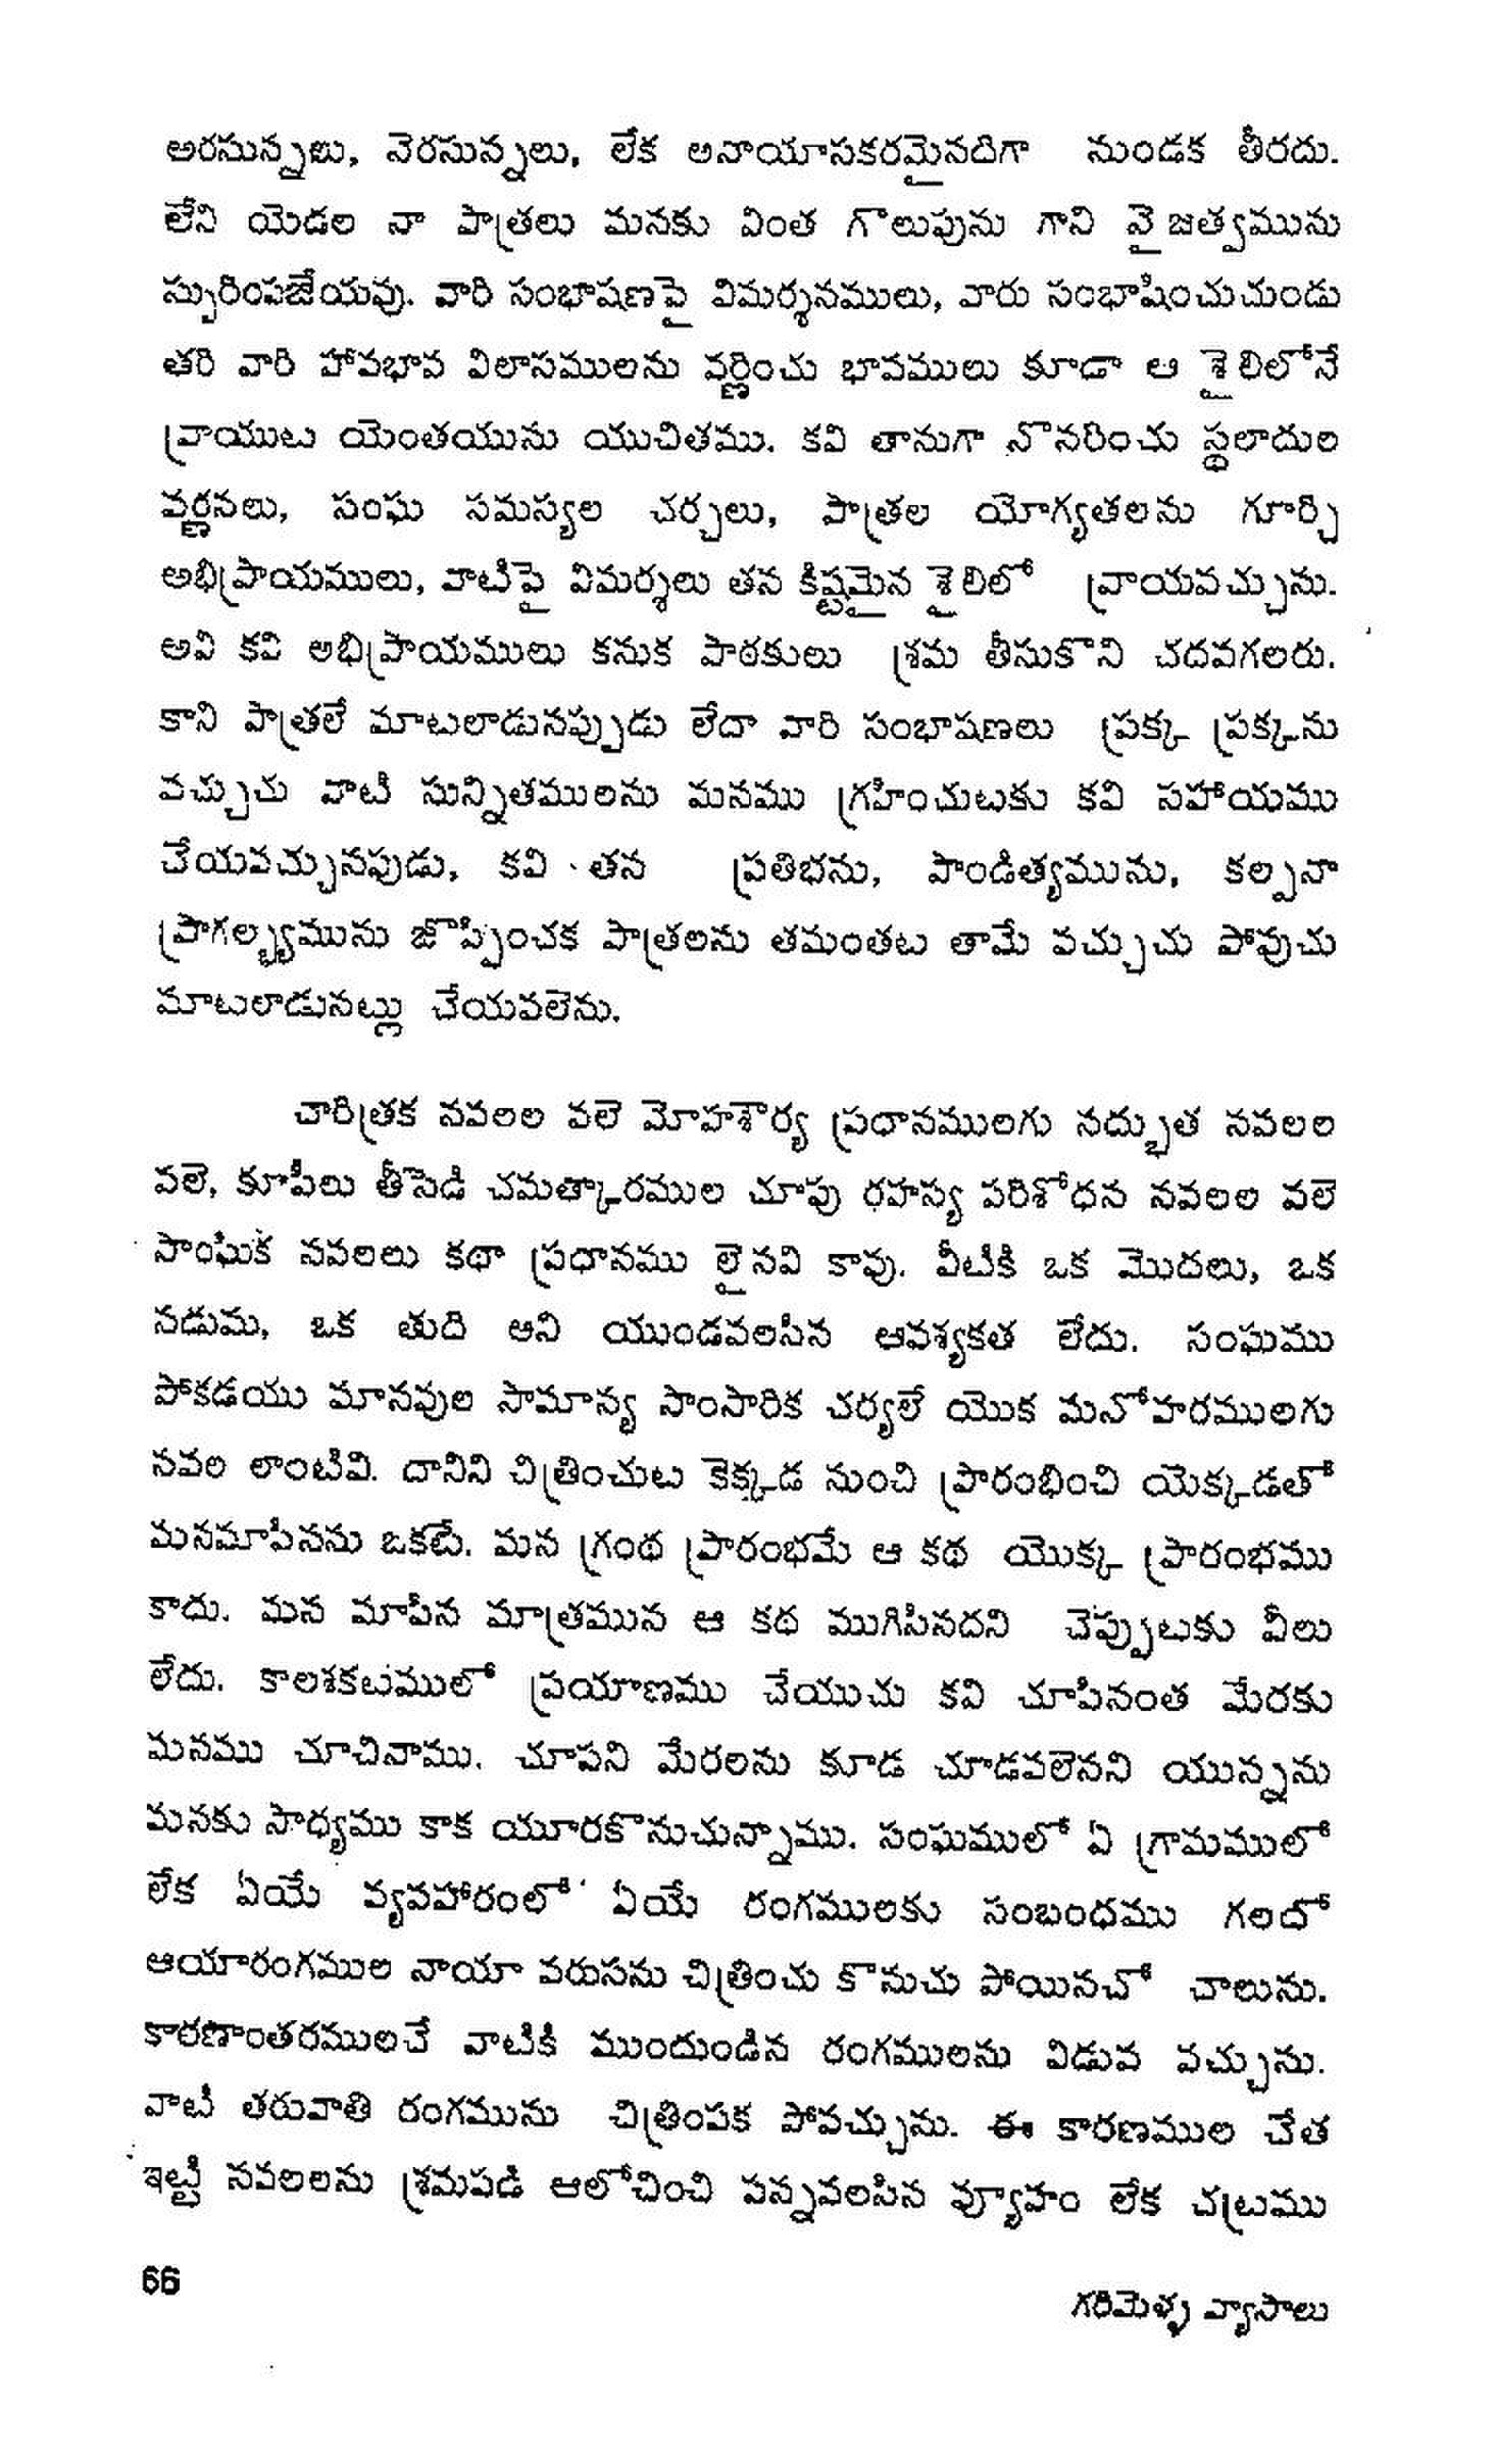అరసున్నలు, నెరసున్నలు, లేక అనాయాసకరమైనదిగా నుండక తీరదు. లేని యెడల నా పాత్రలు మనకు వింత గొలుపును గాని నైజత్వమును స్పురింపజేయవు. వారి సంభాషణపై విమర్శనములు, వారు సంభాషించుచుండు తరి వారి హావభావ విలాపములను వర్ణించు భావములు కూడా ఆ శైలిలోనే వ్రాయుట యెంతయును యుచితము. కవి తానుగా నొనరించు స్థలాదుల వర్ణనలు, సంఘ సమస్యల చర్చలు, పాత్రల యోగ్యతలను గూర్చి అభిప్రాయములు, వాటిపై విమర్శలు తన కిష్టమైన శైలిలో వ్రాయవచ్చును. అవి కవి అభిప్రాయములు కనుక పాఠకులు శ్రమ తీసుకొని చదవగలరు. కాని పాత్రలే మాటలాడునప్పుడు లేదా వారి సంభాషణలు ప్రక్క ప్రక్కను వచ్చుచు వాటి సున్నితములను మనము గ్రహించుటకు కవి సహాయము చేయవచ్చునపుడు, కవి తన ప్రతిభను, పాండిత్యమును, కల్పనా ప్రాగల్భ్యమును జొప్పించక పాత్రలను తమంతట తామే వచ్చుచు పోవుచు మాటలాడునట్లు చేయవలెను.

చారిత్రక నవలల వలె మోహశౌర్య ప్రధానములగు నద్భుత నవలల వలె, కూపీలు తీసెడి చమత్కారముల చూపు రహస్య పరిశోధన నవలల వలె సాంఘిక నవలలు కథా ప్రధానము లైనవి కావు. వీటికి ఒక మొదలు, ఒక నడుమ, ఒక తుది అని యుండవలసిన ఆవశ్యకత లేదు. సంఘము పోకడయు మానవుల సామాన్య సాంసారిక చర్యలే యొక మనోహరములగు నవల లాంటివి. దానిని చిత్రించుట కెక్కడ నుంచి ప్రారంభించి యెక్కడితో మనమాపినను ఒకటే. మన గ్రంథ ప్రారంభమే ఆ కథ యొక్క ప్రారంభము కాదు. మన మాపిన మాత్రమున ఆ కథ ముగిసినదని చెప్పుటకు వీలు లేదు. కాలశకటములో ప్రయాణము చేయుచు కవి చూపినంత మేరకు మనము చూచినాము. చూపని మేరలను కూడ చూడవలెనని యున్నను మనకు సాధ్యము కాక యూరకొనుచున్నాము. సంఘములో ఏ గ్రామములో లేక ఏయే వ్యవహారంలో ఏయే రంగములకు సంబంధము గలదో ఆయారంగముల నాయా వరుసను చిత్రించు కొనుచు పోయినచో చాలును. కారణాంతరములచే వాటికి ముందుండిన రంగములను విడువ వచ్చును. వాటి తరువాతి రంగమును చిత్రింపక పోవచ్చును. ఈ కారణముల చేత ఇట్టి నవలలను శ్రమపడి ఆలోచించి పన్నవలసిన వ్యూహం లేక చట్రము